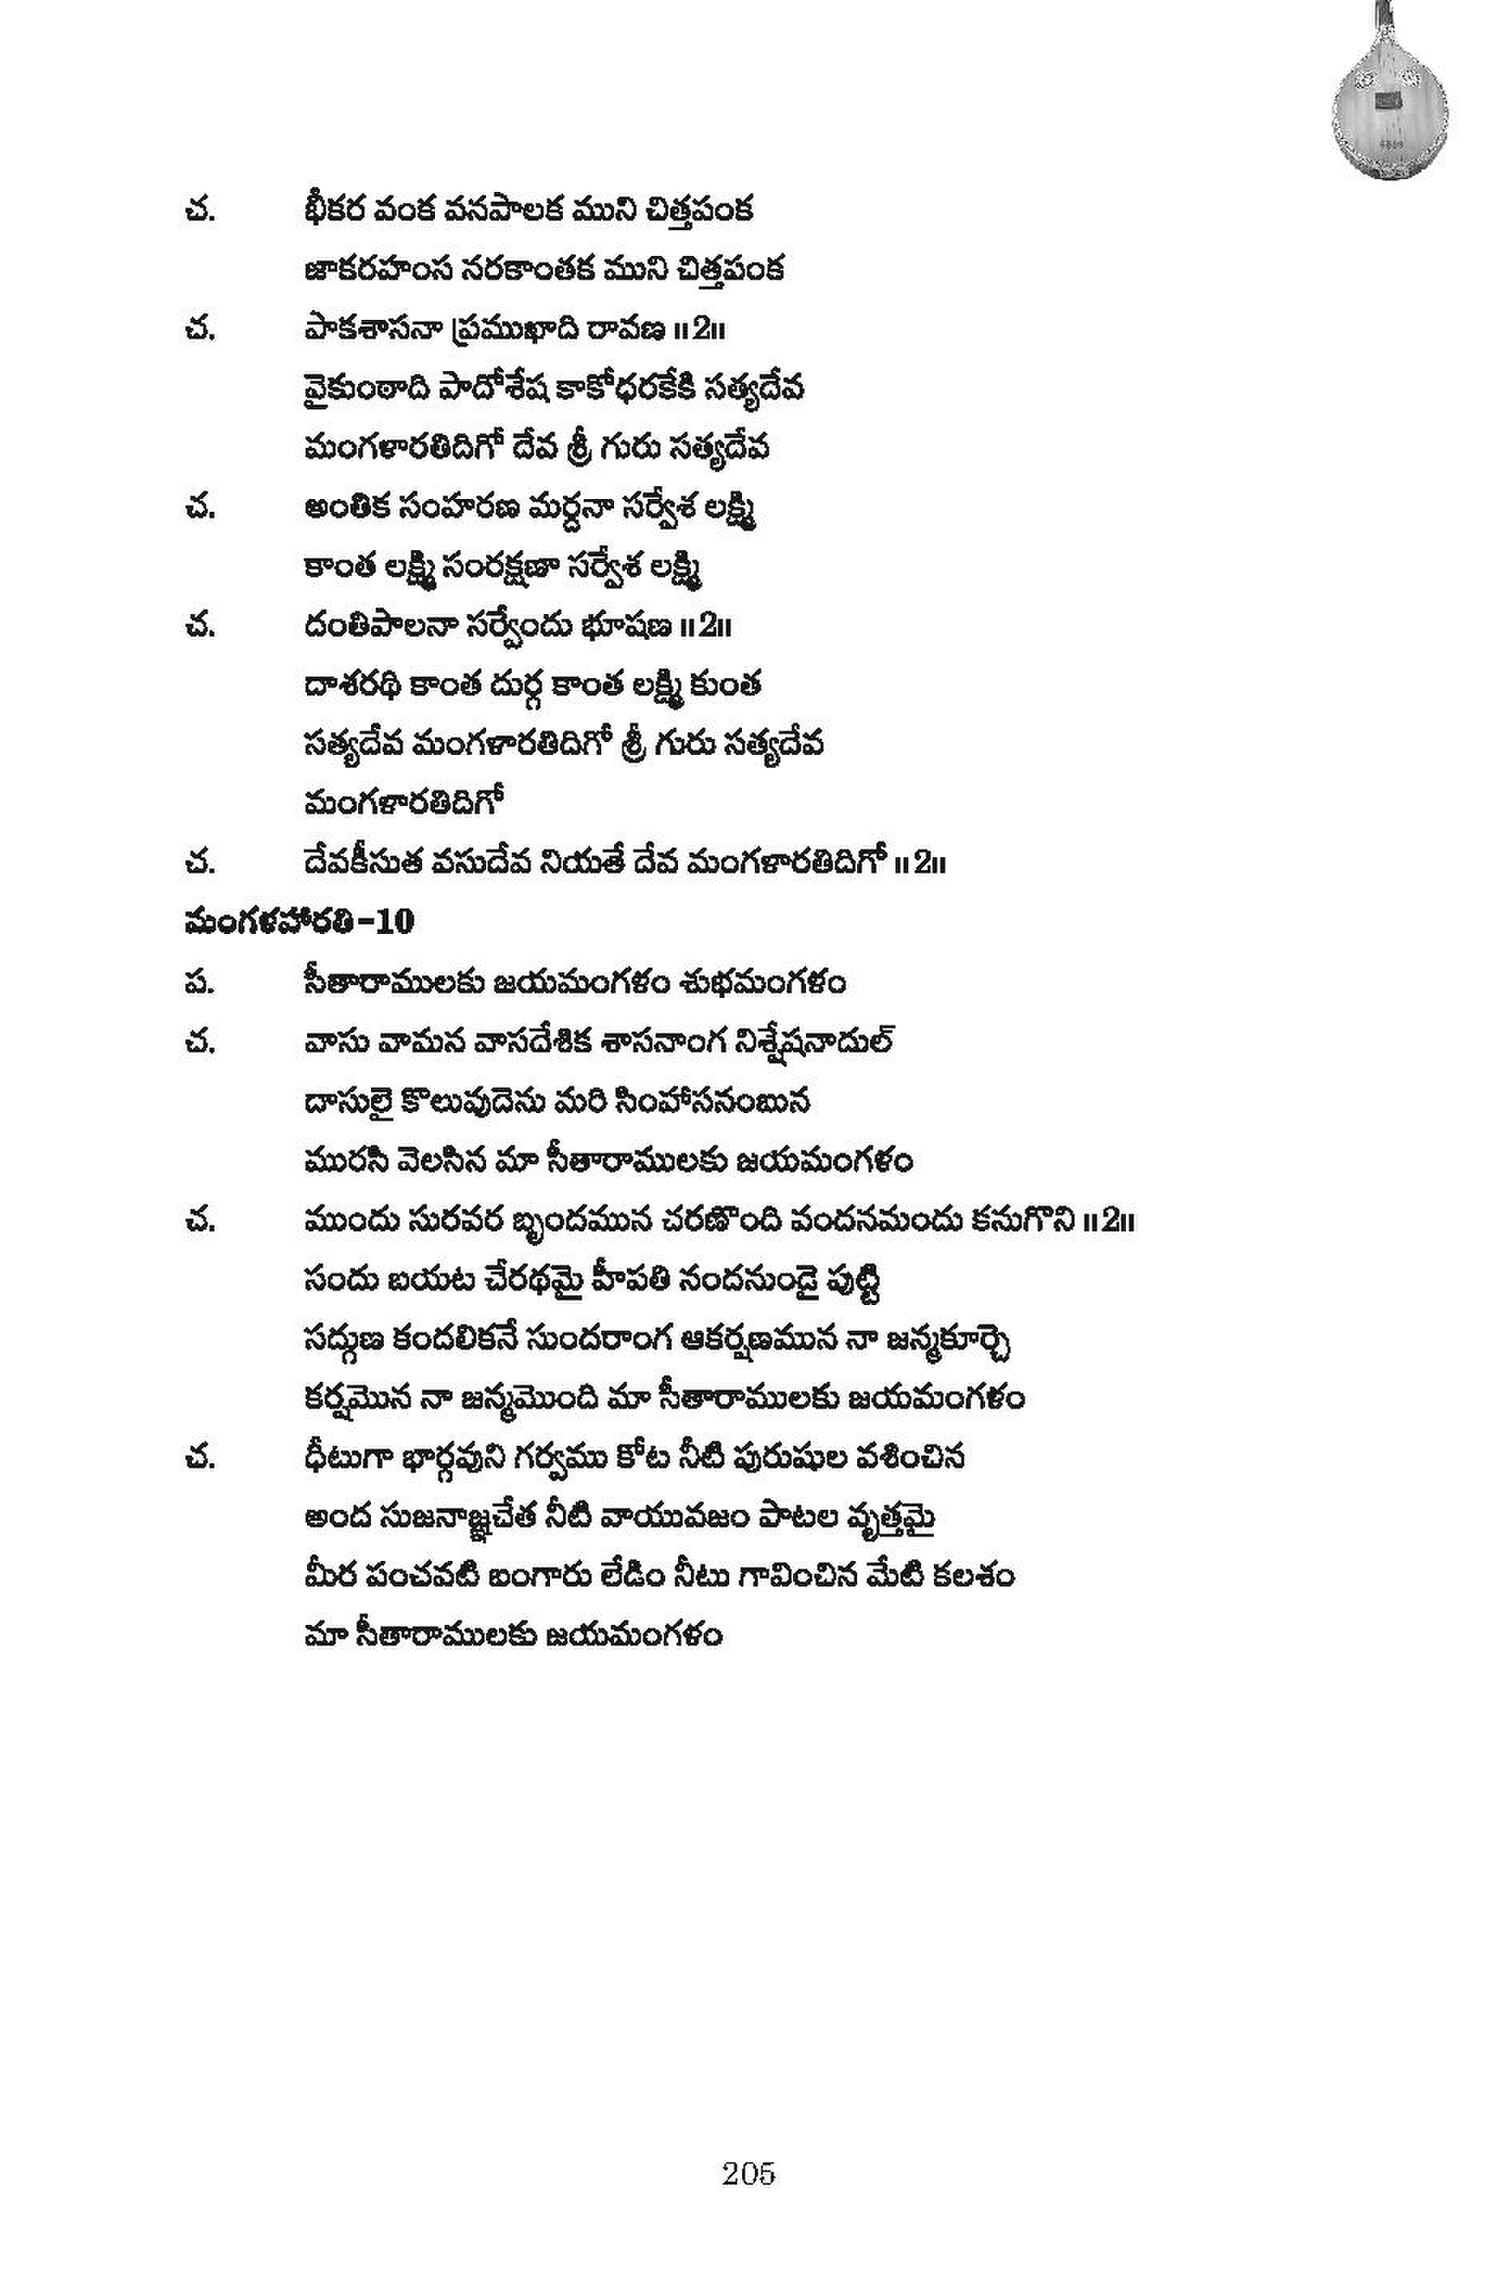చ. భీకర వంక వనపాలక ముని చిత్తపంక
జాకరహంస నరకాంతక ముని చిత్తపంక

చ. పాకశాసనా ప్రముఖాది రావణ ॥2॥
వైకుంఠాది పాదోశేష కాకోధరకేకి సత్యదేవ
మంగళారతిదిగో దేవ శ్రీ గురు సత్యదేవ

చ. అంతిక సంహరణ మర్దనా సర్వేశ లక్ష్మి
కాంత లక్ష్మి సంరక్షణా సర్వేశ లక్ష్మి

చ. దంతిపాలనా సర్వేందు భూషణ ॥2॥
దాశరథి కాంత దుర్గ కాంత లక్ష్మి కుంత
సత్యదేవ మంగళారతిదిగో శ్రీ గురు సత్యదేవ
మంగళారతిదిగో

చ. దేవకీసుత వసుదేవ నియతే దేవ మంగళారతిదిగో ॥ 2॥

మంగళహారతి-10

ప. సీతారాములకు జయమంగళం శుభమంగళం
చ. వాసు వామన వాసదేశిక శాసనాంగ విశ్వేషనాదుల్
దాసులై కొలువుడెను మరి సింహాసనంబున
మురసి వెలసిన మా సీతారాములకు జయమంగళం

చ. ముందు సురవర బృందమున చరణోంది వందనమందు కనుగొని ॥2॥
సందు బయట చేరథమై హీపతి నందనుండై పుట్టి
సద్గుణ కందలికనే సుందరాంగ ఆకర్షణమున నా జన్మకూర్చే
కర్షమొన నా జన్మమొంది మా సీతారాములకు జయమంగళం

చ. ధీటుగా భార్గవుని గర్వము కోట నీటి పురుషుల వశించిన
అంద సుజనాజ్ఞచేత నీటి వాయువజం పాటల వృత్తమై
మీర పంచవటి బంగారు లేడిం నీటు గావించిన మేటి కలశం
మా సీతారాములకు జయమంగళం